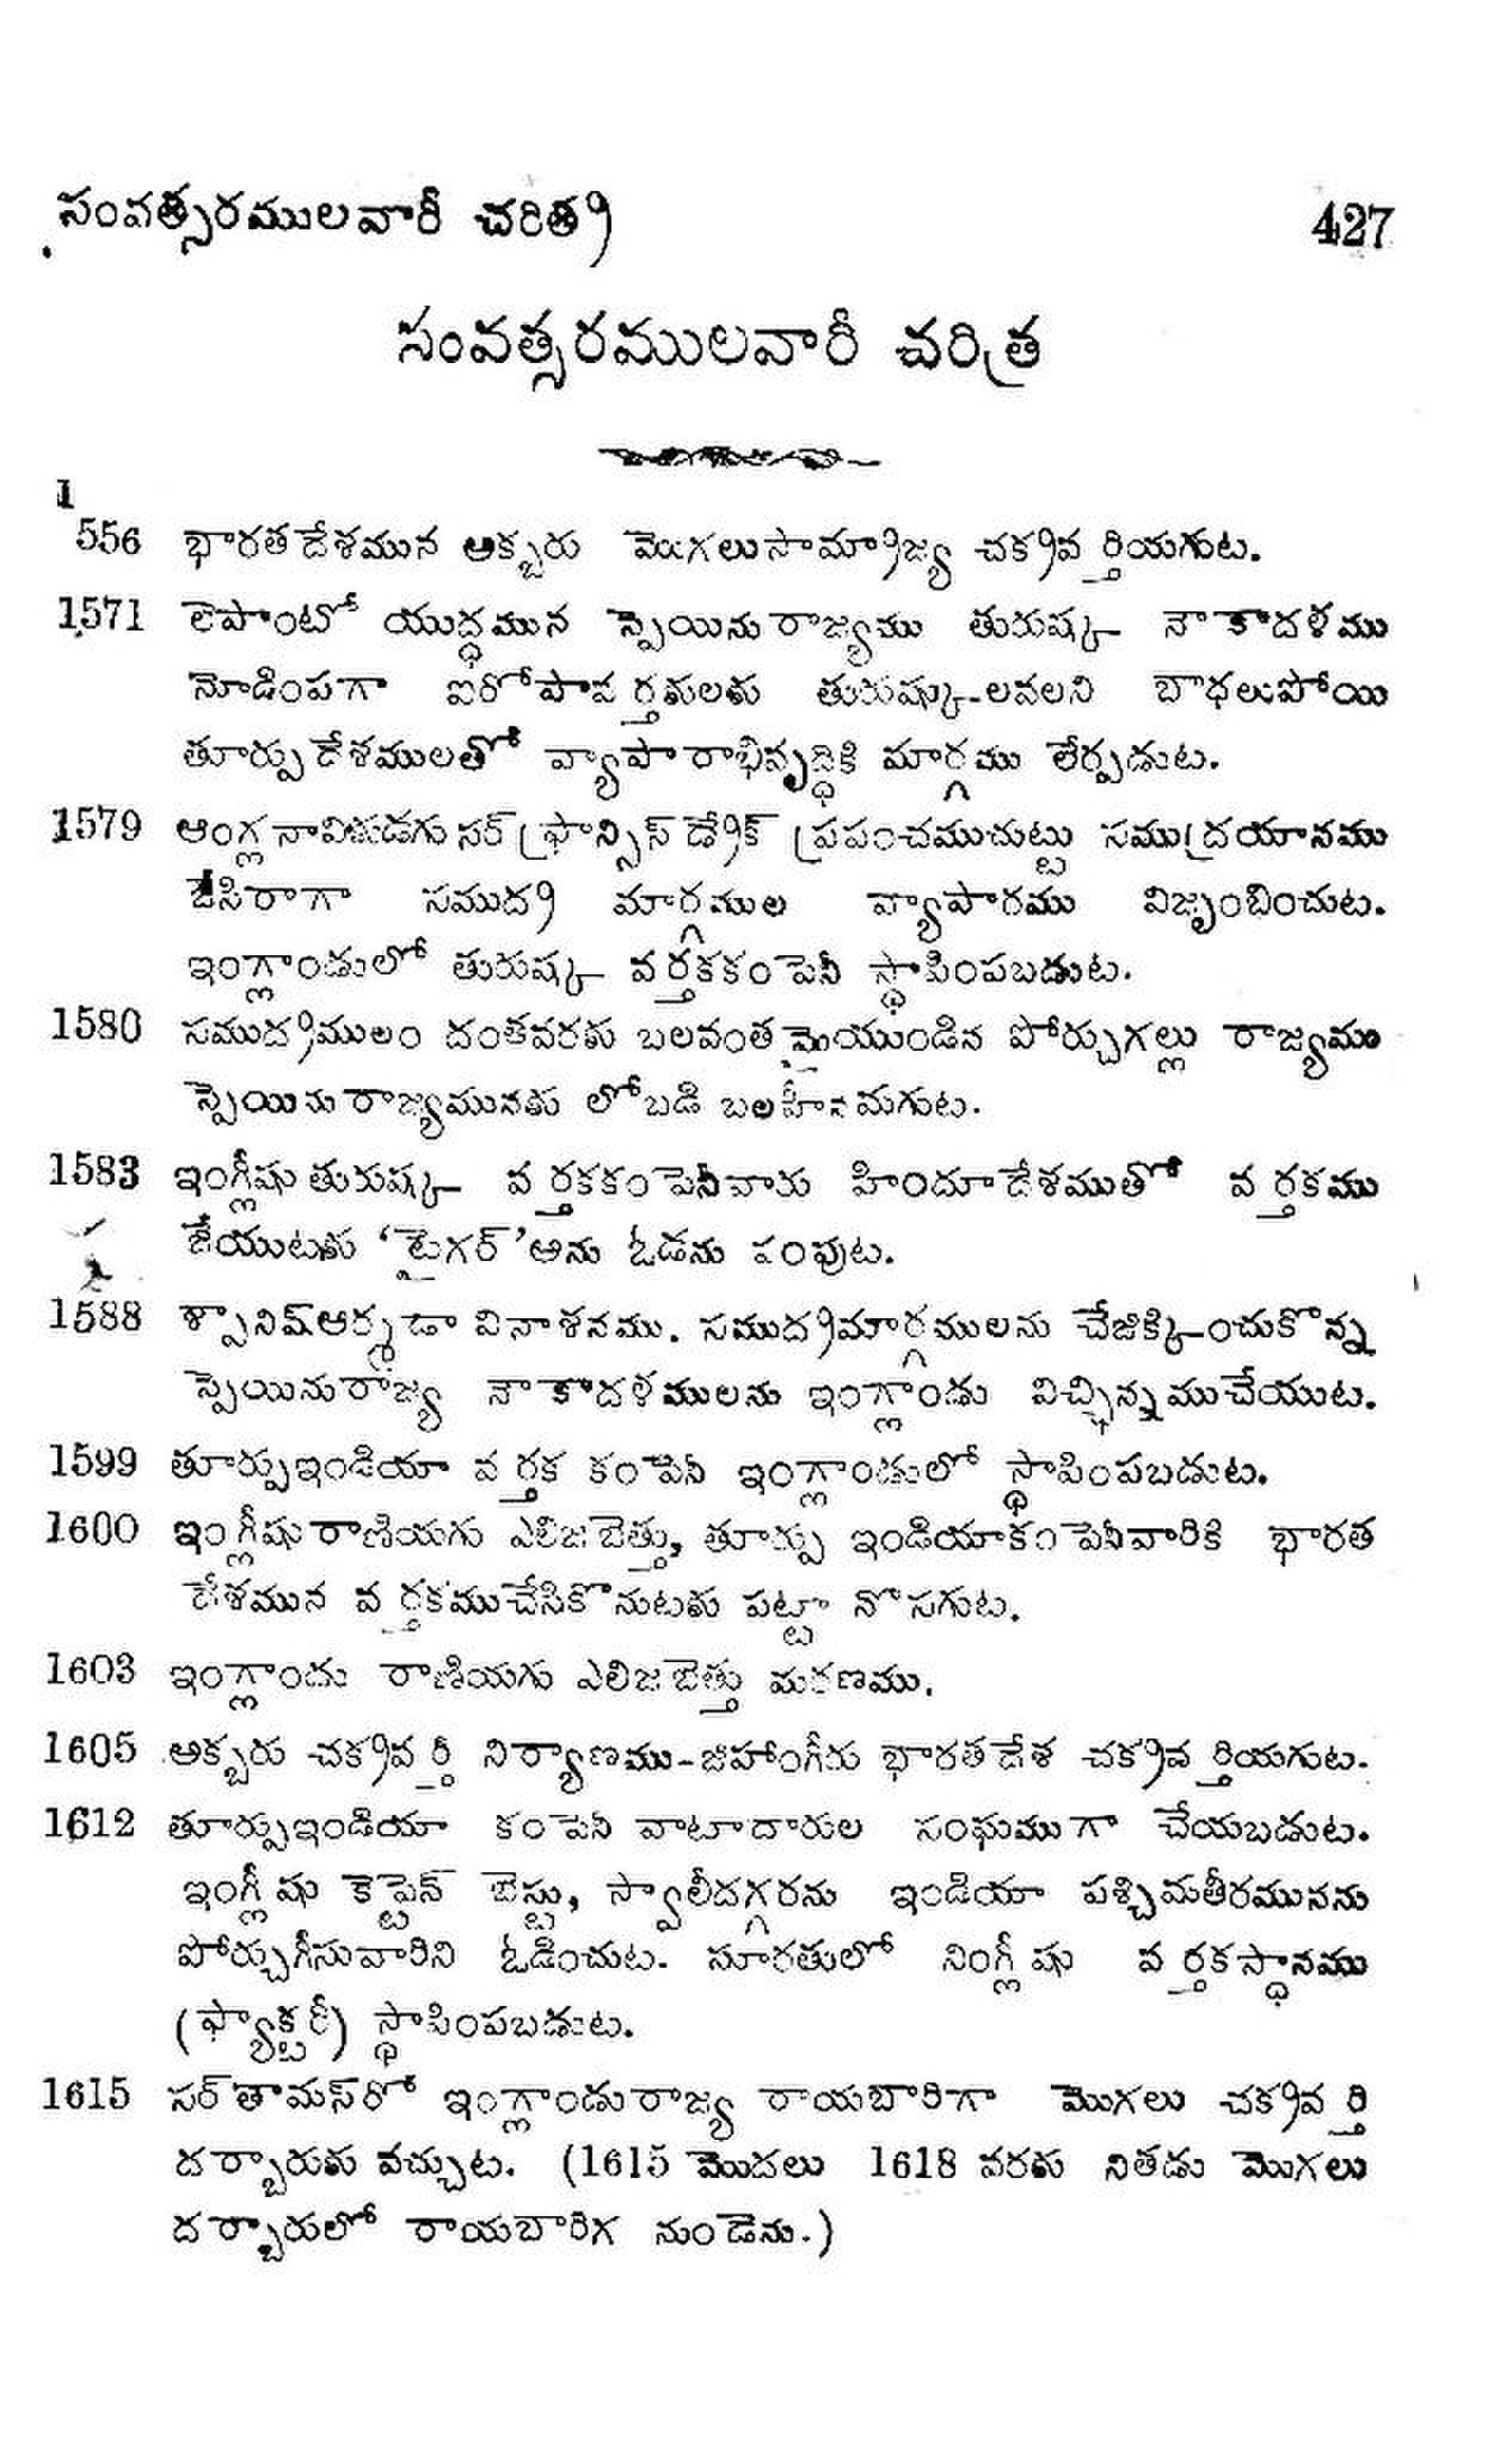సంవత్సరములవారీ చరిత్ర

556 భారతదేశమున అక్బరు మొగలుసామ్రాజ్య చక్రవర్తియగుట. 

1571 లెపాంటో యుద్ధమున స్పెయినురాజ్యము తురుష్క నౌకాదళము నోడింపగా ఐరోపావర్తకులకు తురుష్కులవలని బాధలుపోయి తూర్పుదేశములతో వ్యాపారాభివృద్ధికి మార్గము లేర్పడుట. 

1579 ఆంగ్లనావికుడగు సర్ ఫ్రాన్సిస్ డ్రేక్ ప్రపంచముచుట్టు సముద్రయానము జేసిరాగా సముద్ర మార్గముల వ్యాపారము విజృంబించుట. ఇంగ్లాండులో తురుష్క వర్తకకంపెనీ స్థాపింపబడుట. 

1580 సముద్రములం దంతవరకు బలవంతమైయుండిన పోర్చుగల్లు రాజ్యము స్పెయిను రాజ్యమునకు లోబడి బలహీనమగుట. 

1583 ఇంగ్లీషు తురుష్క వర్తకకంపెనీవారు హిందూదేశముతో వర్తకము జేయుటకు 'టైగర్' అను ఓడను పంపుట. 

1588 శ్పానిష్ ఆర్మడా వినాశనము. సముద్రమార్గములను చేజిక్కించుకొన్న స్పెయినురాజ్య నౌకాదళములను ఇంగ్లాండు విచ్చిన్నముచేయుట, 

1599 తూర్పుఇండియా వర్తక కంపెనీ ఇంగ్లాండులో స్థాపింపబడుట. 

1600 ఇంగ్లీషురాణియగు ఎలిజబెత్తు, తూర్పు ఇండియాకంపెనీవారికి భారతదేశమున వర్తకము చేసికొనుటకు పట్టా నొసగుట.

1603 ఇంగ్లాండు రాణియగు ఎలిజబెత్తు మరణము. 

1605 అక్బరు చక్రవ ర్తి నిర్యాణము- జహాంగీరు భారతదేశ చక్రవర్తియగుట. 

1612 తూర్పుఇండియా కంపెనీ వాటాదారుల సంఘముగా చేయబడుట. ఇంగ్లీషు కెప్టెన్ బెస్టు, స్వాలీదగ్గరను ఇండియా పశ్చిమతీరమునను పోర్చుగీసువారిని ఓడించుట. సూరతులో నింగ్లీషు వర్తకస్థానము (ఫ్యాక్టరీ) స్థాపింపబడుట. 

1615 సర్‌తామస్‌రో ఇంగ్లాండురాజ్య రాయబారిగా మొగలు చక్రవర్తి దర్బారుకు వచ్చుట. (1615 మొదలు 1618 వరకు నితడు మొగలు దర్బారులో రాయబారిగ నుండెను.)